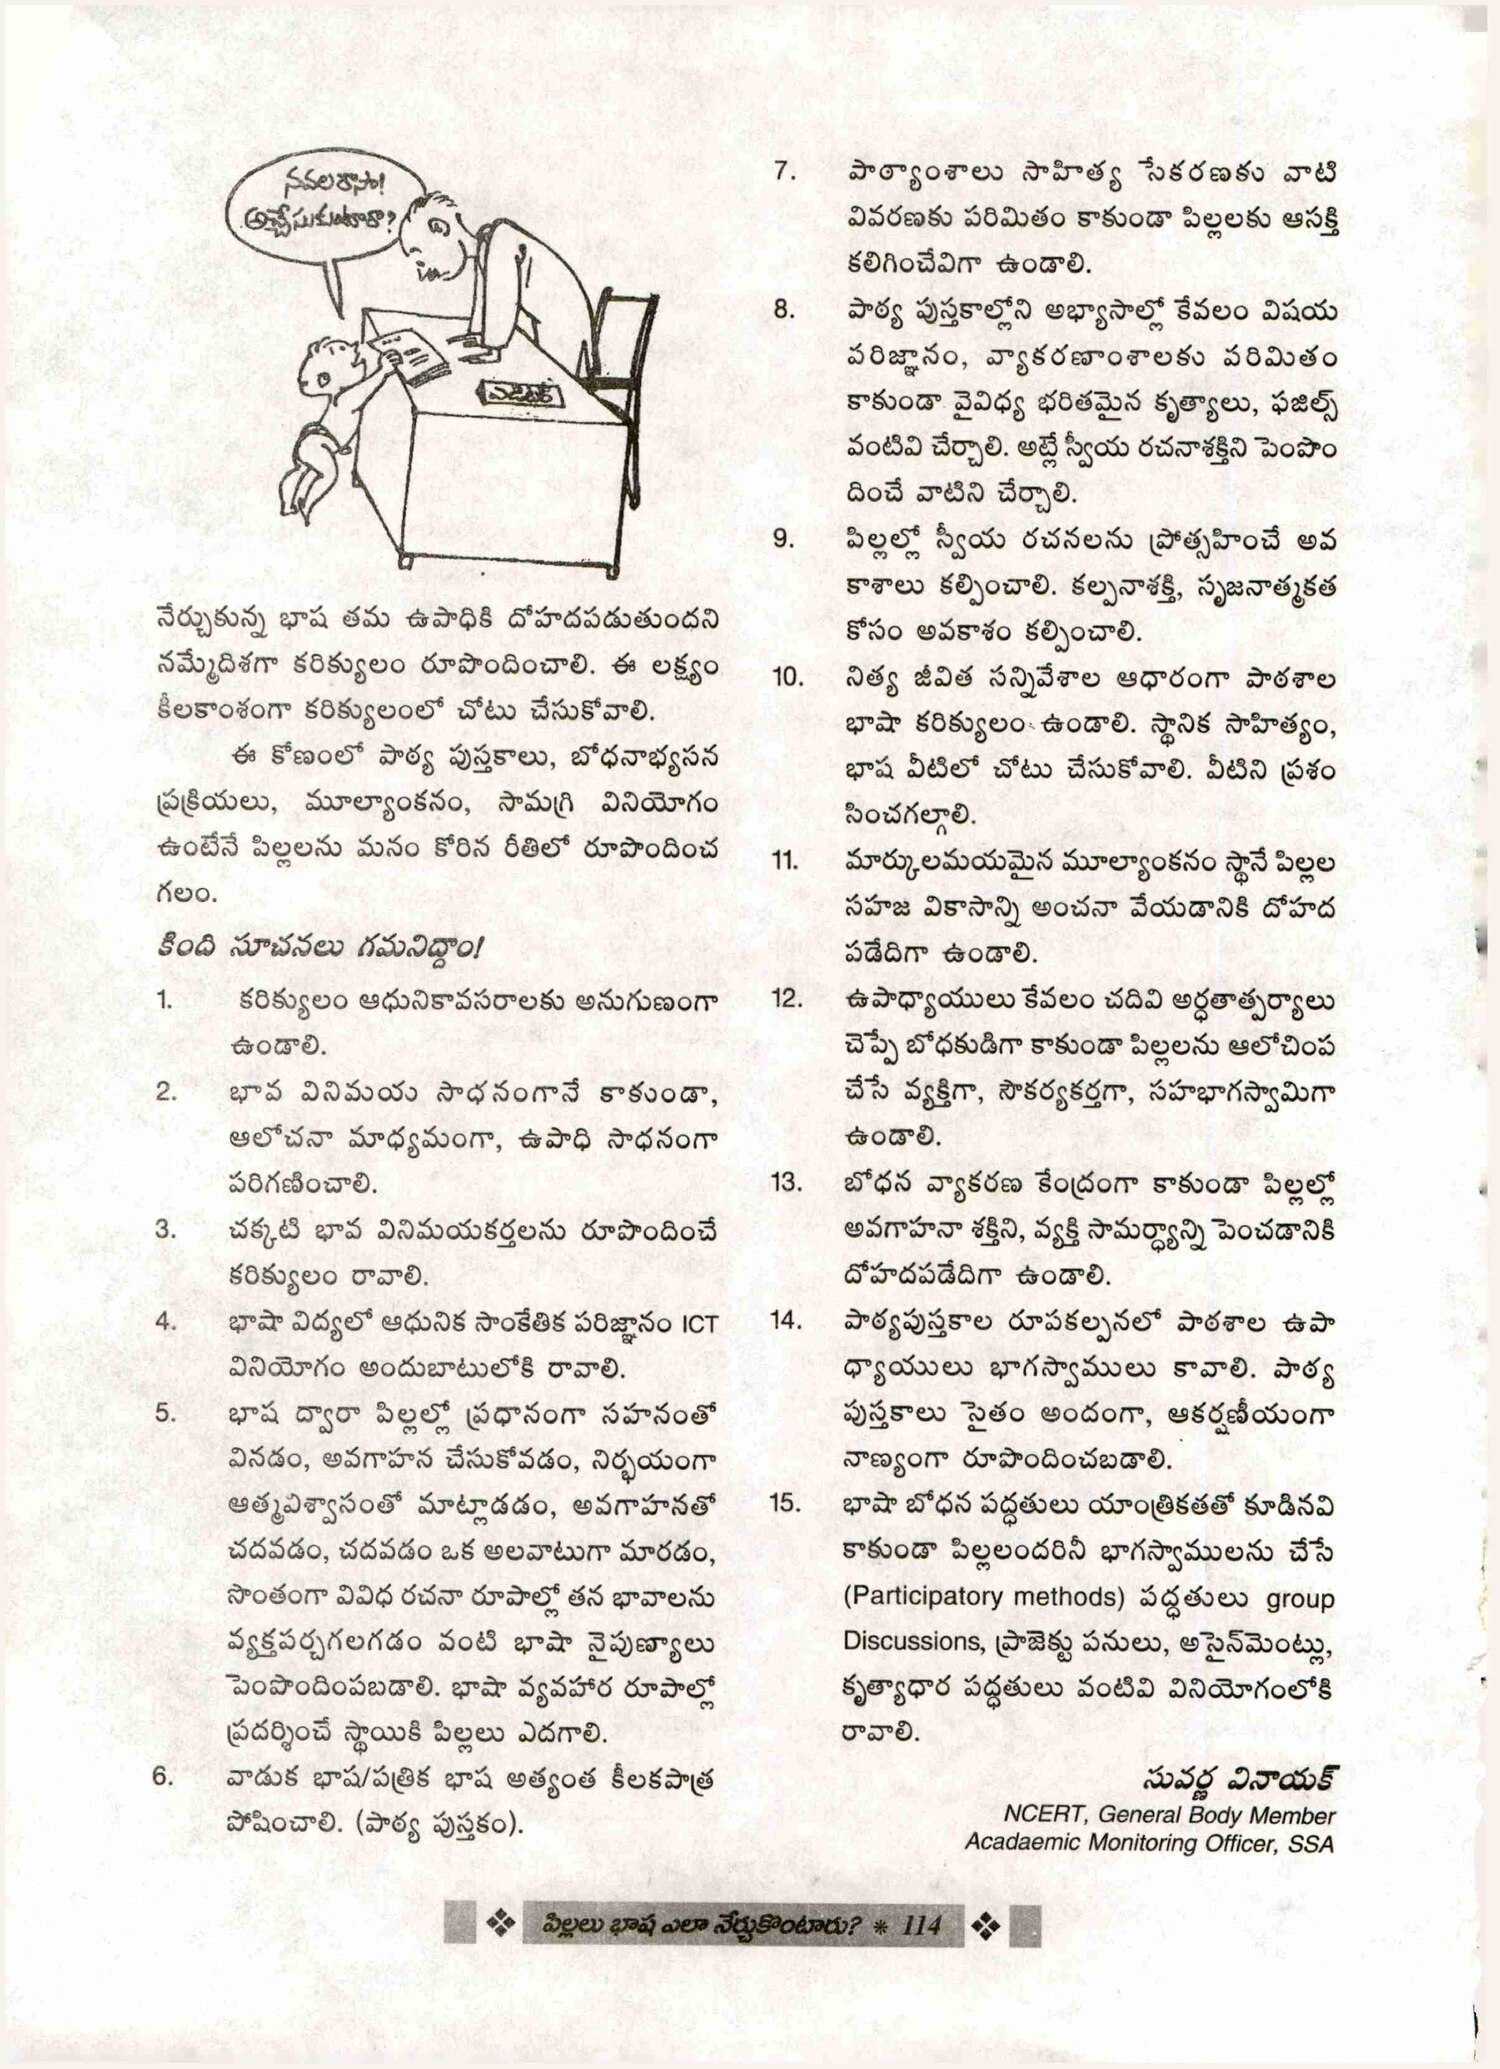నేర్చుకున్న భాష తమ ఉపాధికి దోహదపడుతుందని నమ్మేదిశగా కరిక్యులం రూపొందించాలి. ఈ లక్ష్యం
కీలకాంశంగా కరిక్యులంలో చోటు చేసుకోవాలి.

ఈ కోణంలో పాఠ్య పుస్తకాలు, బోధనాభ్యసన ప్రక్రియలు, మూల్యాంకనం, సామగ్రి వినియోగం ఉంటేనే పిల్లలను మనం కోరిన రీతిలో రూపొందించ గలం.

కింది సూచనలు గమనిద్దాం!

1. కరిక్యులం ఆధునికావసరాలకు అనుగుణంగా ఉండాలి.

2. భావ వినిమయ సాధనంగానే కాకుండా, ఆలోచనా మాధ్యమంగా, ఉపాధి సాధనంగా పరిగణించాలి.

3. చక్కటి భావ వినిమయకర్తలను రూపొందించే కరిక్యులం రావాలి.

4. భాషా విద్యలో ఆధునిక సాంకేతిక పరిజ్ఞానం ICT వినియోగం అందుబాటులోకి రావాలి.

5. భాష ద్వారా పిల్లల్లో ప్రధానంగా సహనంతో వినడం, అవగాహన చేసుకోవడం, నిర్భయంగా ఆత్మవిశ్వాసంతో మాట్లాడడం, అవగాహనతో చదవడం, చదవడం ఒక అలవాటుగా మారడం, సొంతంగా వివిధ రచనా రూపాల్లో తన భావాలను వ్యక్తపర్చగలగడం వంటి భాషా నైపుణ్యాలు పెంపొందింపబడాలి. భాషా వ్యవహార రూపాల్లో
ప్రదర్శించే స్థాయికి పిల్లలు ఎదగాలి.

6. వాడుక భాష/పత్రిక భాష అత్యంత కీలకపాత్ర పోషించాలి. (పాఠ్య పుస్తకం).

7. పాఠ్యాంశాలు సాహిత్య సేకరణకు వాటి వివరణకు పరిమితం కాకుండా పిల్లలకు ఆసక్తి కలిగించేవిగా ఉండాలి.

8. పాఠ్య పుస్తకాల్లోని అభ్యాసాల్లో కేవలం విషయ పరిజ్ఞానం, వ్యాకరణాంశాలకు పరిమితం కాకుండా వైవిధ్య భరితమైన కృత్యాలు, ఫజిల్స్ వంటివి చేర్చాలి. అట్లే స్వీయ రచనాశక్తిని పెంపొందించే వాటిని చేర్చాలి.

9. పిల్లల్లో స్వీయ రచనలను ప్రోత్సహించే అవకాశాలు కల్పించాలి. కల్పనాశక్తి, సృజనాత్మకత కోసం అవకాశం కల్పించాలి.

10. నిత్య జీవిత సన్నివేశాల ఆధారంగా పాఠశాల భాషా కరిక్యులం ఉండాలి. స్థానిక సాహిత్యం, భాష వీటిలో చోటు చేసుకోవాలి. వీటిని ప్రశంసించగల్గాలి.

11. మార్కులమయమైన మూల్యాంకనం స్థానే పిల్లల సహజ వికాసాన్ని అంచనా వేయడానికి దోహద పడేదిగా ఉండాలి.

12. ఉపాధ్యాయులు కేవలం చదివి అర్థతాత్పర్యాలు చెప్పే బోధకుడిగా కాకుండా పిల్లలను ఆలోచింప చేసే వ్యక్తిగా, సౌకర్యకర్తగా, సహభాగస్వామిగా ఉండాలి.

13. బోధన వ్యాకరణ కేంద్రంగా కాకుండా పిల్లల్లో అవగాహనా శక్తిని, వ్యక్తి సామర్ధ్యాన్ని పెంచడానికి దోహదపడేదిగా ఉండాలి.

14. పాఠ్యపుస్తకాల రూపకల్పనలో పాఠశాల ఉపాధ్యాయులు భాగస్వాములు కావాలి. పాఠ్యపుస్తకాలు సైతం అందంగా, ఆకర్షణీయంగా నాణ్యంగా రూపొందించబడాలి.

15. భాషా బోధన పద్ధతులు యాంత్రికతతో కూడినవి కాకుండా పిల్లలందరినీ భాగస్వాములను చేసే (Participatory methods) పద్ధతులు group Discussions, ప్రాజెక్టు పనులు, అసైన్‌మెంట్లు, కృత్యాధార పద్ధతులు వంటివి వినియోగంలోకి రావాలి.